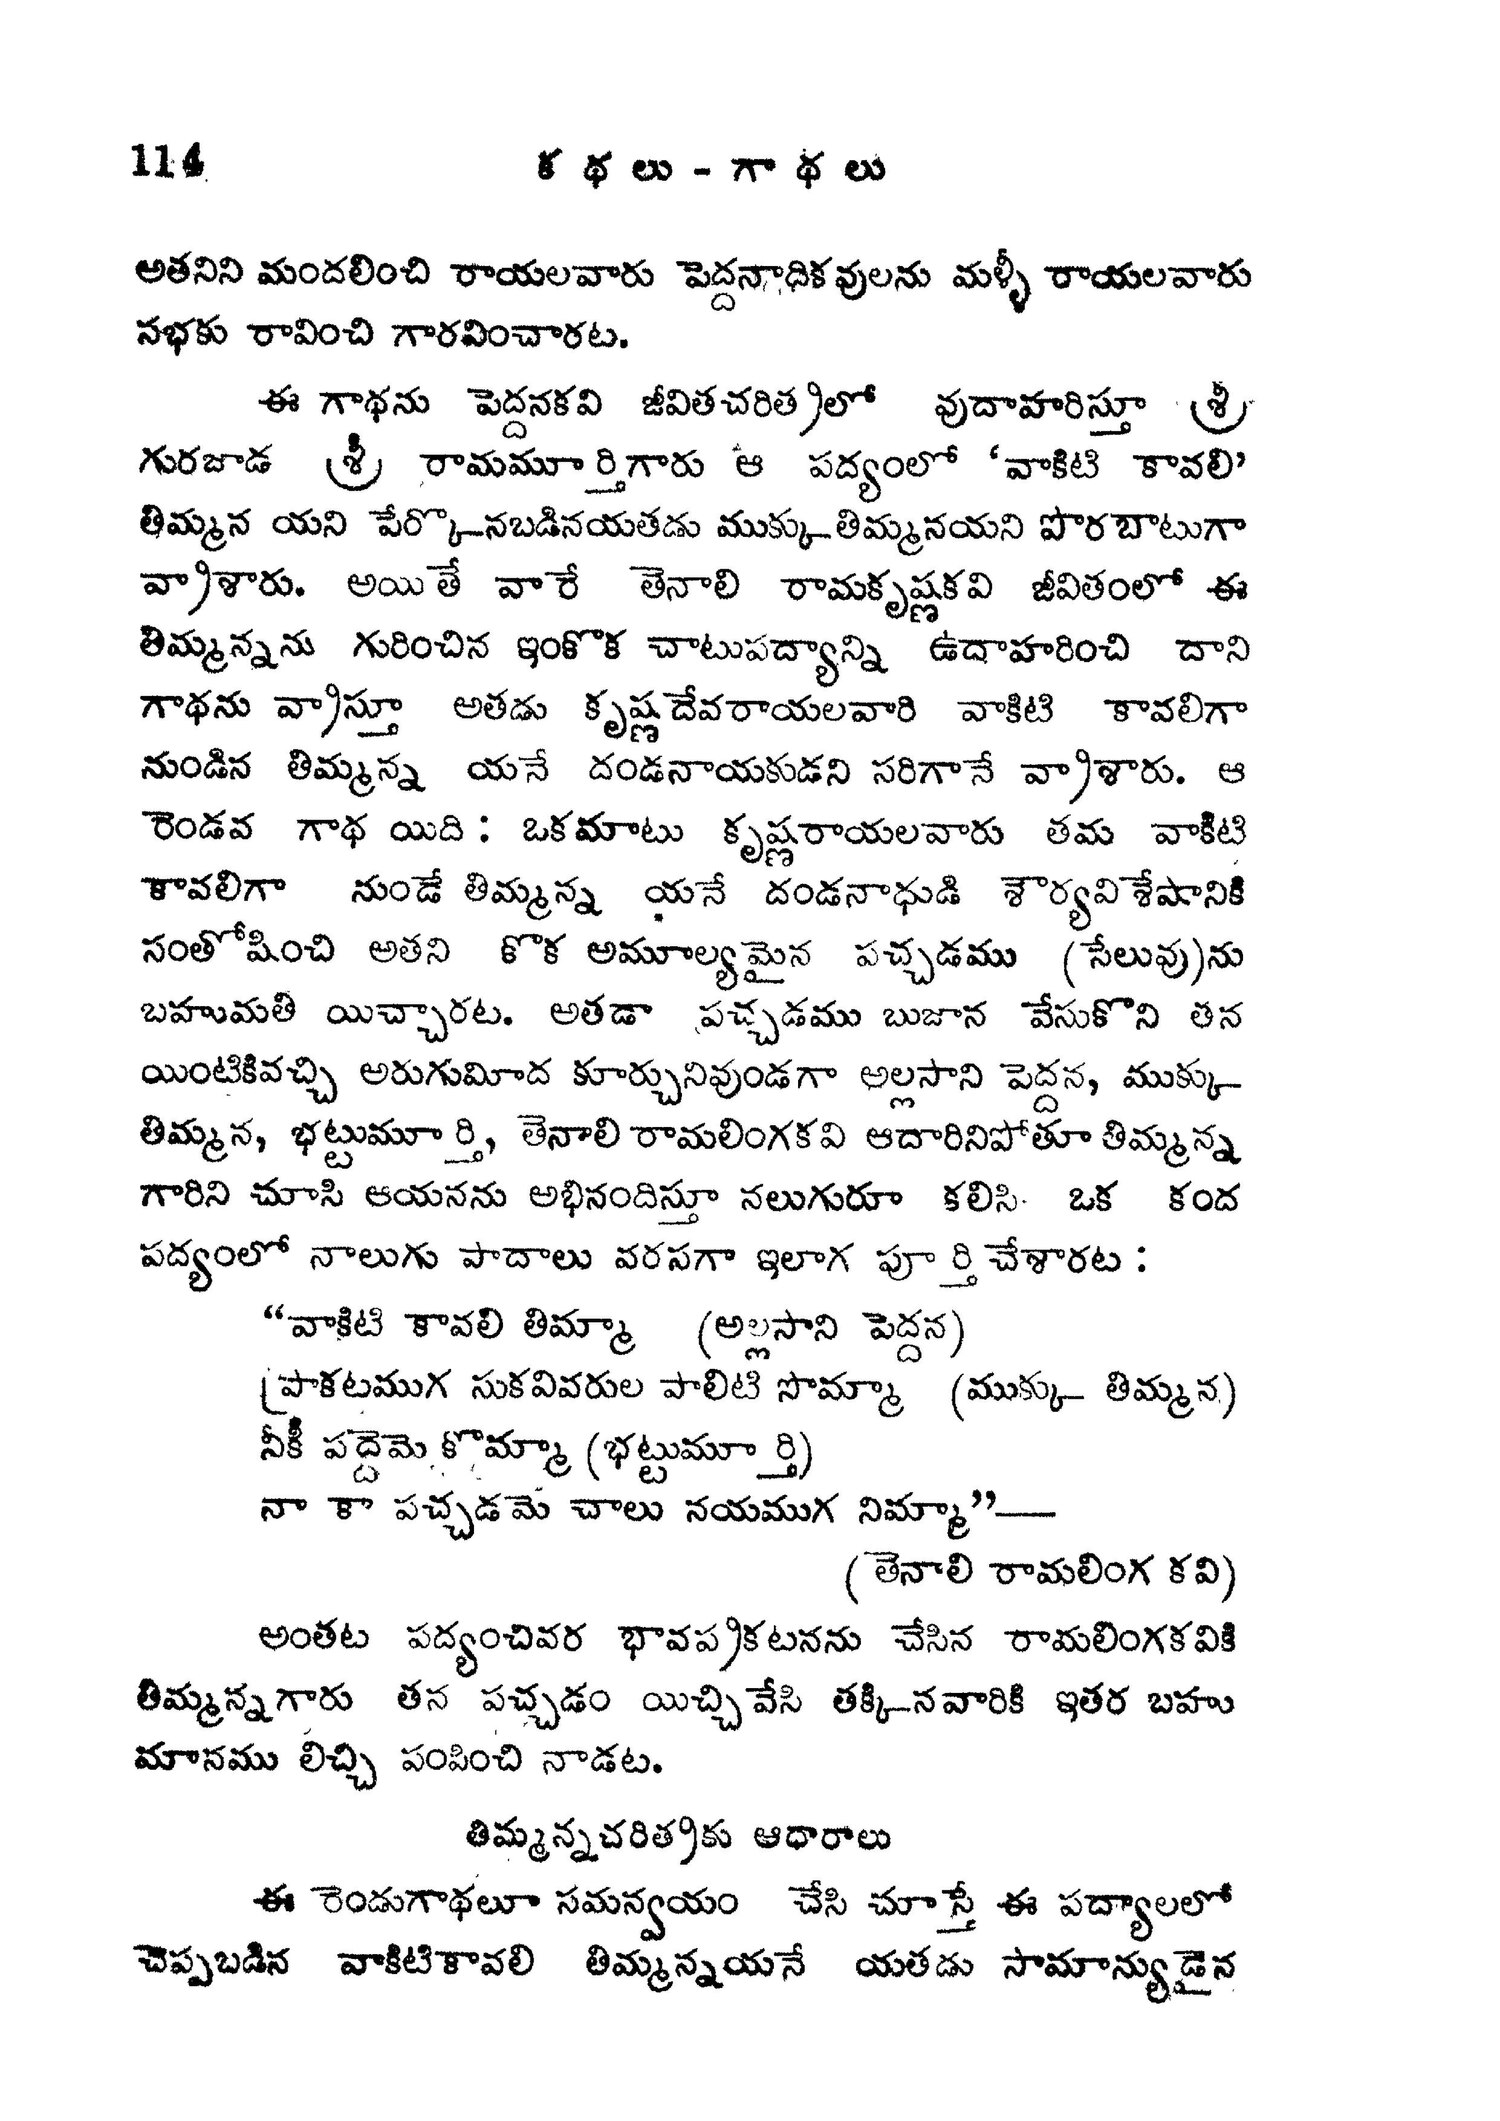అతనిని మందలించి రాయలవారు పెద్దనాదికవులను మళ్ళీ రాయలవారి సభకు రావించి గౌరవించారట.

ఈ గాధను పెద్దనకవి జీవితచరిత్రలో వుదాహరిస్తూ శ్రీ గురజాడ శ్రీ రామమూర్తి గారు ఆ పద్యంలో 'వాకిలి కావలి ' తిమ్మన యని పేర్కొనబడిన యతడు ముక్కు తిమ్మనయని పొరబాటుగా వ్రాశారు. అయితే వారే తెనాలి రామకృష్ణకవి జీవితంలో ఈ తిమ్మన్నను గురించిన ఇంకొక చాటుపద్యాన్ని ఉదాహరించి దాని గాధను వ్రాస్తూ అతడు కృష్ణదేవరాయలవారి వాకిటి కావలిగా నుండిన తిమ్మన్న యనే దండనాయకుడని సరిగానే వ్రాశారు. ఆ రెండవ గాధ యిది: ఒకమాటు కృష్ణరాయలవారు తమ వాకిట కావలిగా నుండే తిమ్మన్న యనే దండనాధుడి శౌర్యవిశేషానికి సంతోషించి అతని కొక అమూల్యమైన పచ్చడము (సేలువు) ను బహుమతి యిచ్చారట. అతడా పచ్చడము బుజాన వేసుకొని తన యింటికివచ్చి అరుగుమీద కూర్చునివుండగా అల్లసాని పెద్దన, ముక్కుతిమ్మన, భట్తుమూర్తి, తెనాలి రామలింగకవి అదారిని పోతూ తిమ్మన్న గారిని చూసి ఆయనను అభినందిస్తూ నలుగురూ కలిసి ఒక కందపద్యంలో నాలుగు పాదాలు వరసగా ఇలాగ పూర్తిచేశారట:

 "వాకిటి కావలి తిమ్మా (అల్లసాని పెద్దన)
 ప్రాకటముగ సుకవివరుల పాలిటి సొమ్మా (ముక్కు తిమ్మన)
 నీకీ పద్దెమె కొమ్మా (భట్టుమూర్తి)
 నా కా పచ్చడమె చాలు నయముగ నిమ్మా"--
 (తెనాలి రామలింగ కవి)

అంతట పద్యంచివర భావప్రకటనము చేసిన రామలింగకవికి తిమ్మన్నగారు తన పచ్చడం యిచ్చివేసి తక్కినవారికి ఇతర బహుమానము లిచ్చి పంపించి నాడట.

ఈ రెండు గాధలూ సమన్యయం చేసి చూస్తే ఈ పద్యాలలొ చెప్పబడిన వాకిటికావలి తిమ్మన్నయనే యతడు సామాన్యుడైన